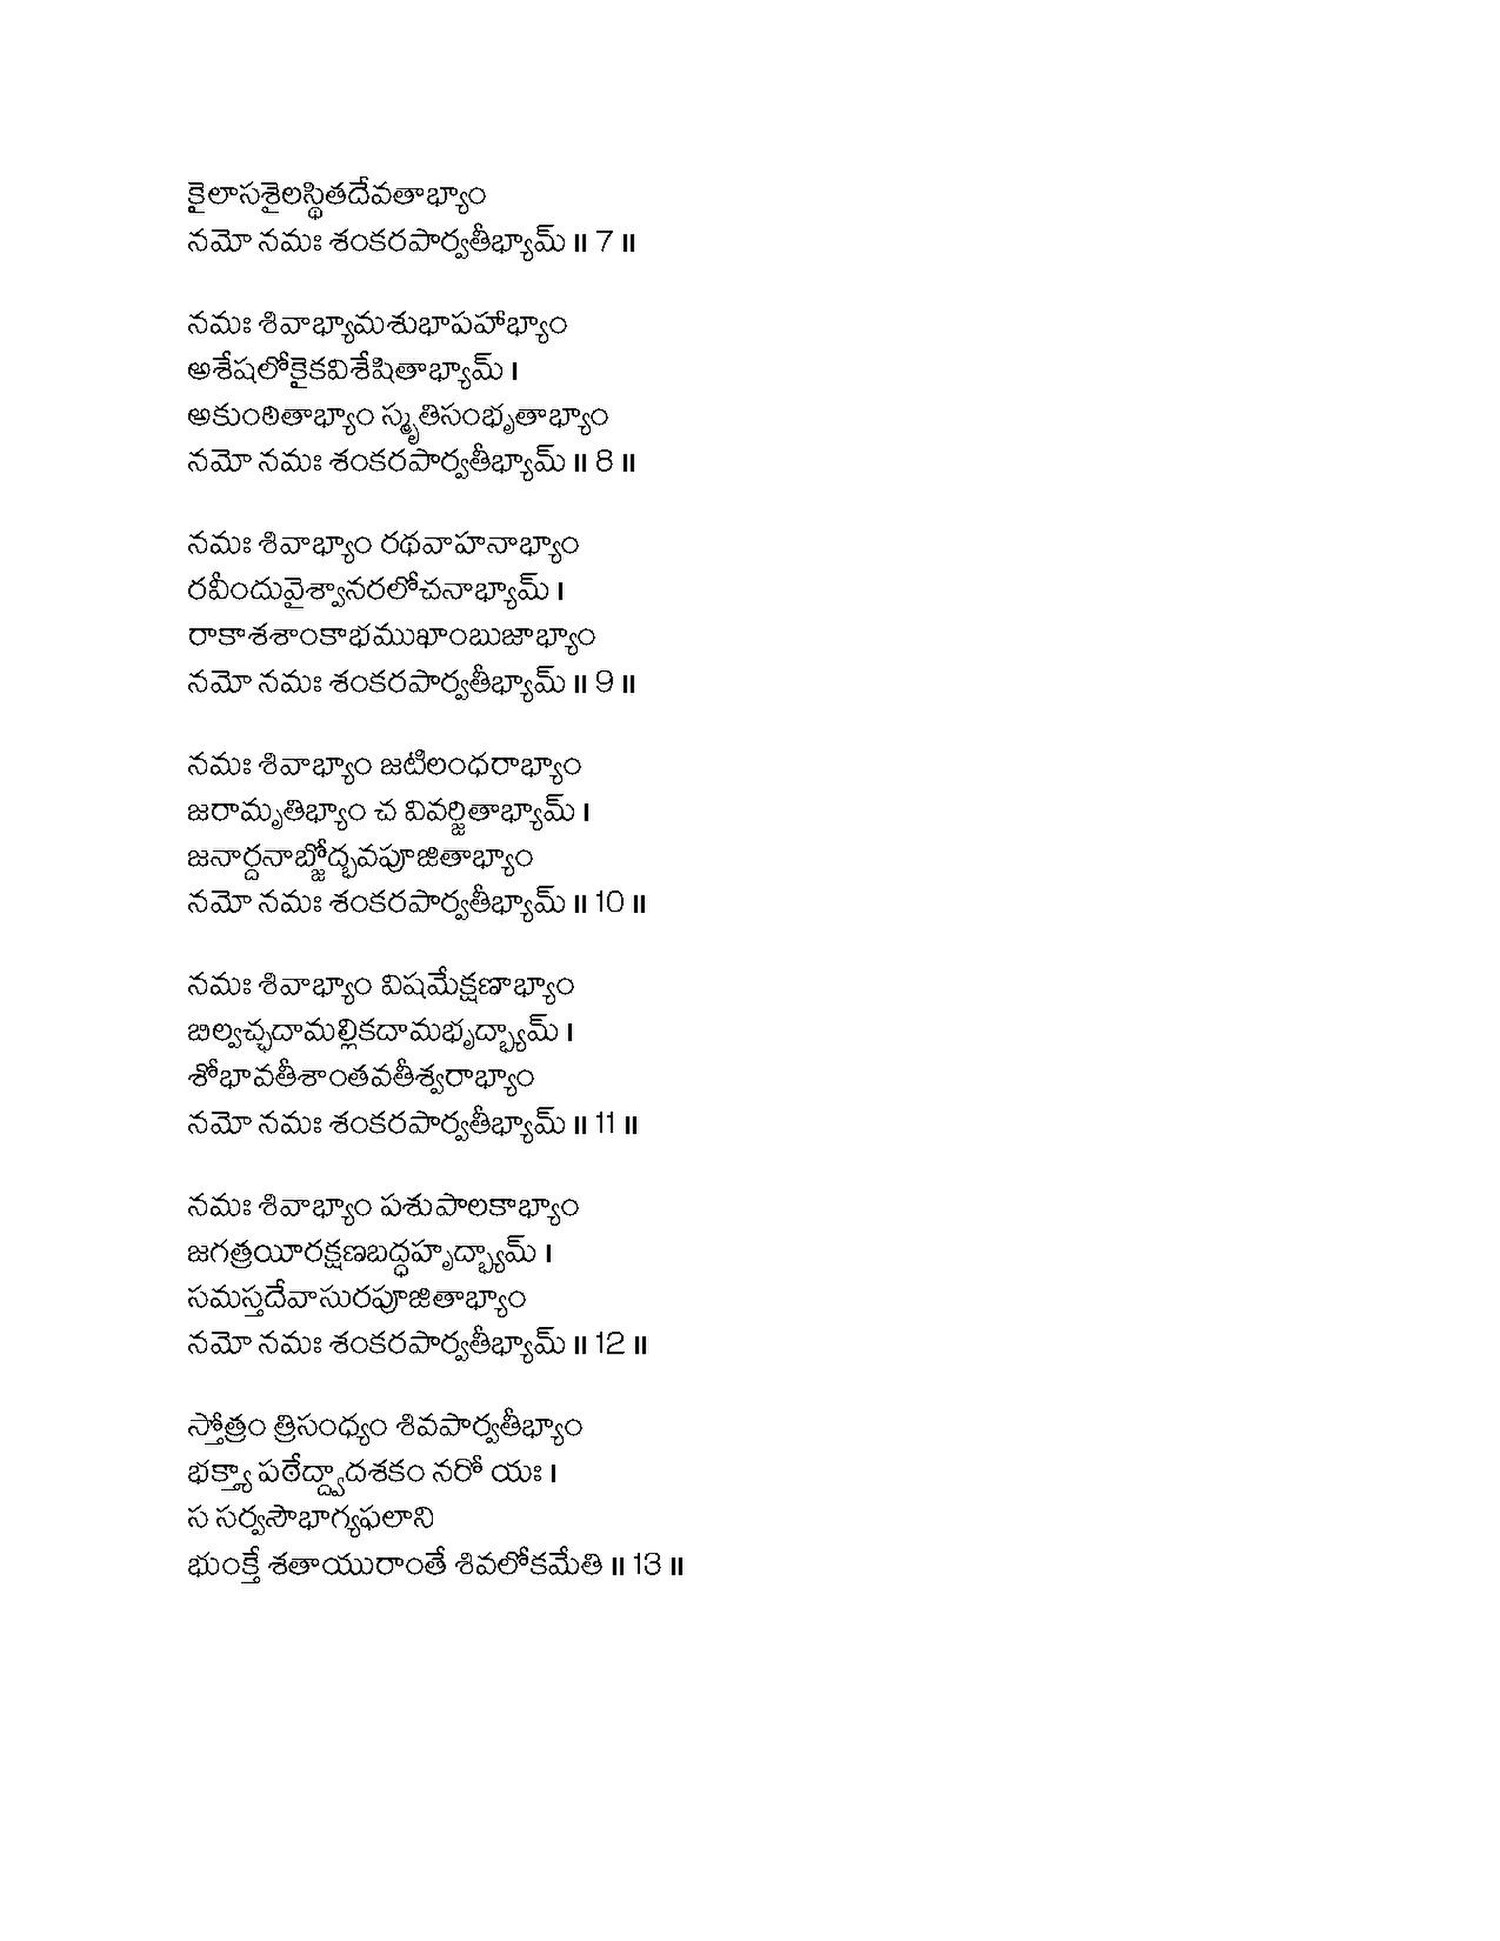కైలాసశైలస్థితదేవతాభ్యాం
నమో నమః శంకరపార్వతీభ్యామ్ || 7 ||

నమః శివాభ్యామశుభాపహాభ్యాం
అశేషలోకైకవిశేషితాభ్యామ్ |
అకుంఠితాభ్యాం స్మృతిసంభృతాభ్యాం
నమో నమః శంకరపార్వతీభ్యామ్ || 8 ||

నమః శివాభ్యాం రథవాహనాభ్యాం
రవీందువైశ్వానరలోచనాభ్యామ్ |
రాకాశశాంకాభముఖాంబుజాభ్యాం
నమో నమః శంకరపార్వతీభ్యామ్ || 9 ||

నమః శివాభ్యాం జటిలంధరాభ్యాం
జరామృతిభ్యాం చ వివర్జితాభ్యామ్ |
జనార్దనాబ్జోద్భవపూజితాభ్యాం
నమో నమః శంకరపార్వతీభ్యామ్ || 10 ||

నమః శివాభ్యాం విషమేక్షణాభ్యాం
బిల్వచ్ఛదామల్లికదామభృద్భ్యామ్ |
శోభావతీశాంతవతీశ్వరాభ్యాం
నమో నమః శంకరపార్వతీభ్యామ్ || 11 ||

నమః శివాభ్యాం పశుపాలకాభ్యాం
జగత్రయీరక్షణబద్ధహృద్భ్యామ్ |
సమస్తదేవాసురపూజితాభ్యాం
నమో నమః శంకరపార్వతీభ్యామ్ || 12 ||

స్తోత్రం త్రిసంధ్యం శివపార్వతీభ్యాం
భక్త్యా పఠేద్ద్వాదశకం నరో యః |
స సర్వసౌభాగ్యఫలాని 
భుంక్తే శతాయురాంతే శివలోకమేతి || 13 ||